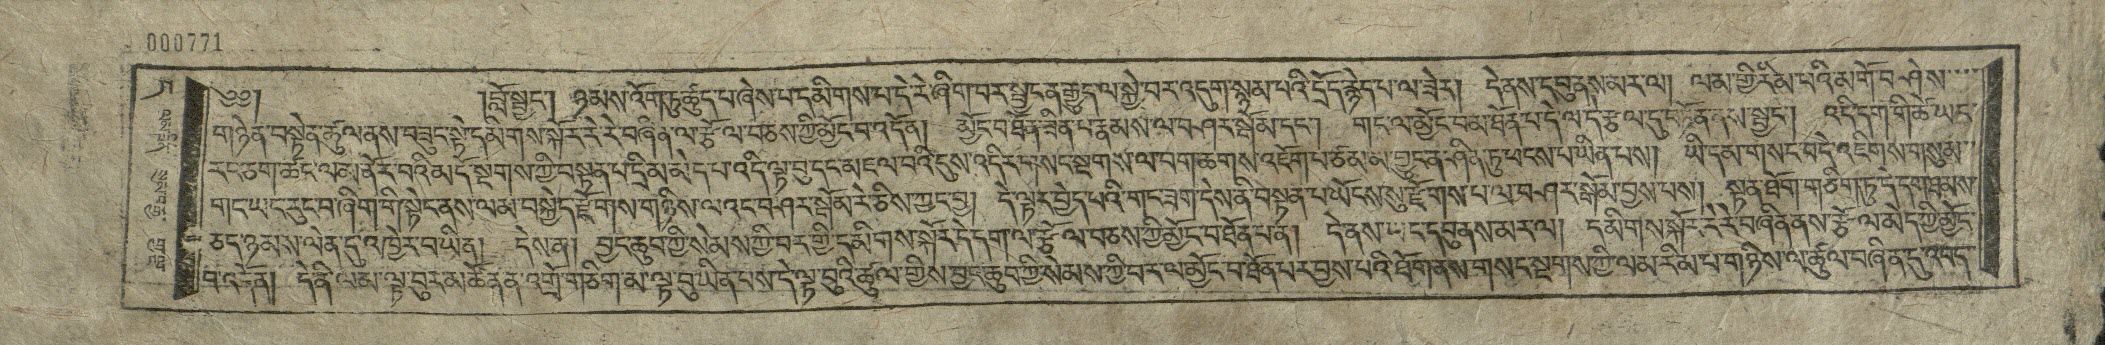༄༅། །བློ་སྦྱང་། ཉམས་འོག་ཏུ་ཚུད་པ་ཞེས་པ་དེ་རེ་ཞིག་བར་སྦྱང་ན་རྒྱུད་ལ་སྐྱེ་བར་འདུག་སྙམ་པའི་དྲོད་རྙེད་པ་ལ་ཟེར། དེ་ནས་དབུ་ནས་མར་ལ། ལམ་གྱི་རིམ་པའི་མགོ་བ་ཤེས་
གཉེན་བསྟེན་ཚུལ་ནས་བཟུང་སྟེ་དམིགས་སྐོར་རེ་རེ་བཞིན་ལ་རྩོ་བཅས་ཀྱི་མྱོང་བ་འདོན། མྱོང་བ་ཐོན་ཟིན་པ་རྣམས་ལ་བཤར་སྒོམ་དང་། གང་ལ་མྱོང་བ་མ་ཐོན་པ་དེ་ལ་དེ་རྩལ་དུ་བཏོན་ནས་སྦྱང་། འདི་དག་གི་ཚེ་ཡང་
རང་ཅག་ཚང་ལ་མ་ནོར་བའི་མདོ་སྔགས་ཀྱི་བསྟན་པ་དྲི་མ་མེད་པ་འདི་ལྟ་བུ་དང་མཇལ་བའི་དུས་འདིར་གསང་སྔགས་ལ་བག་ཆགས་འཇོག་པ་ཙམ་མ་བྱུང་ན་ཤིན་ཏུ་ཕངས་པ་ཡིན་པས། ཡི་དམ་གསང་བདེ་འཇིགས་གསུམ་
གང་ཡང་རུང་བ་ཞིག་གི་སྟེང་ནས་ལམ་བསྐྱེད་རྫོགས་གཉིས་ལའང་བཤར་སྒོམ་རེ་ཅིས་ཀྱང་བྱ། དེ་ལྟར་བྱེད་པའི་གང་ཟག་དེས་ནི་བསྟན་པ་ཡོངས་སུ་རྫོགས་པ་ལ་བཤར་སྒོམ་བྱས་པས། སྟན་ཐོག་གཅིག་ཏུ་དེ་དག་ཐམས་
ཅད་ཉམས་ལེན་དུ་འཁྱེར་བ་ཡིན། དེས་ན། བྱང་ཆུབ་ཀྱི་སེམས་ཀྱི་བར་གྱི་དམིགས་སྐོར་དེ་དག་ལ་རྩོལ་བཅས་ཀྱི་མྱོང་བ་ཐོན་པ་ན། དེ་ནས་ཡང་དབུ་ནས་མར་ལ། དམིགས་སྐོར་རེ་རེ་བཞིན་ནས་རྩོ་ལ་མེད་ཀྱི་མྱོང་
བ་འདོན། དེ་ནི་ལམ་ལྟ་བུར་མཚོན་ན་འགྲོ་གཅིག་མ་ལྟ་བུ་ཡིན་པས་དེ་ལྟ་བུའི་ཚུལ་གྱིས་བྱང་ཆུབ་ཀྱི་སེམས་ཀྱི་བར་ལ་མྱོང་བ་ཐོན་པར་བྱས་པའི་ཐོབ་ནས་གསང་སྔགས་ཀྱི་ལམ་རིམ་པ་གཉིས་ལ་ཚུལ་བཞིན་དུ་འབད་